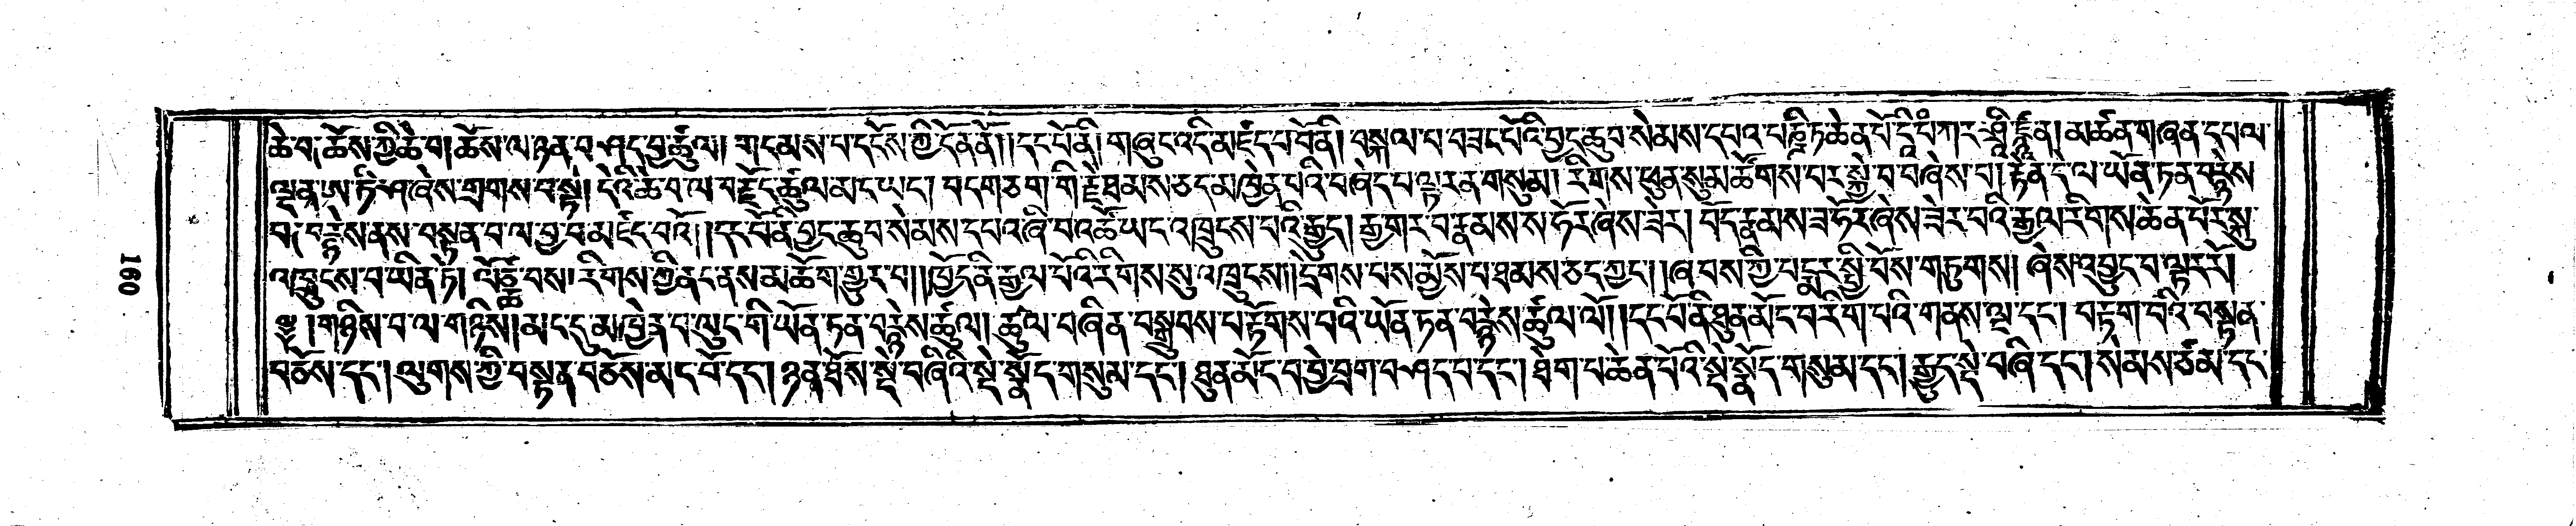ཆེ་བ། ཆོས་ཀྱི་ཆེ་བ། ཆོས་ལ་ཉན་བཤད་བྱ་ཚུལ། གདམས་པ་དངོས་ཀྱི་དོན་ནོ། །དང་པོ་ནི། གཞུང་འདི་མཛད་པ་པོ་ནི། བསྐལ་པ་བཟང་པོའི་བྱང་ཆུབ་སེམས་དཔའ་པཎྚི་ཏ་ཆེན་པོ་དཱི་པཾ་ཀ་ར་ཤྲཱི་ཛྙཱ་ན། མཚན་གཞན་དཔལ་
ལྡན་ཨ་ཏི་ཤ་ཞེས་གྲགས་པ་སྟེ། དེའི་ཆེ་བ་ལ་བརྗོད་ཚུལ་མང་ཡང་། བདག་ཅག་གི་རྗེ་ཐམས་ཅད་མཁྱེན་པའི་བཞེད་པ་ལྟར་ན་གསུམ། རིགས་ཕུན་སུམ་ཚོགས་པར་སྐྱེ་བ་བཞེས་པ། རྟེན་དེ་ལ་ཡོན་ཏན་བརྙེས་
པ། བརྙེས་ནས་བསྟན་པ་ལ་བྱ་བ་མཛད་པའོ། །དང་པོ་ནི་བྱང་ཆུབ་སེམས་དཔའ་ཞི་བ་འཚོ་ཡང་འཁྲུངས་པའི་རྒྱུད། རྒྱ་གར་པ་རྣམས་ས་ཧོར་ཞེས་ཟེར། བོད་རྣམས་ཟ་ཧོར་ཞེས་ཟེར་བའི་རྒྱལ་རིགས་ཆེན་པོར་སྐུ་
འཁྲུངས་པ་ཡིན་ཏེ། ལོཙྪ་བས། རིགས་ཀྱི་ནང་ནས་མཆོག་གྱུར་པ། །ཁྱོད་ནི་རྒྱལ་པོའི་རིགས་སུ་འཁྲུངས། །དྲེགས་པས་མྱོས་པ་ཐམས་ཅད་ཀྱང་། །ཞབས་ཀྱི་པདམར་སྤྱི་བོས་གཏུགས། ཞེས་འབྱུང་བ་ལྟར་རོ། །
༈ །གཉིས་པ་ལ་གཉིས། མང་དུ་མཁྱེན་པ་ལུང་གི་ཡོན་ཏན་བརྙེས་ཚུལ། ཚུལ་བཞིན་བསྒྲུབས་པ་རྟོགས་པའི་ཡོན་ཏན་བརྙེས་ཚུལ་ལོ། །དང་པོ་ནི་ཐུན་མོང་བ་རིག་པའི་གནས་ལྔ་དང་། བརྟག་པའི་བསྟན་
བཅོས་དང་། ལུགས་ཀྱི་བསྟན་བཅོས་མང་པོ་དང་། ཉན་ཐོས་སྡེ་བཞིའི་སྡེ་སྣོད་གསུམ་དང་། ཐུན་མོང་བ་བྱེ་བྲག་བཤད་པ་དང་། ཐེག་པ་ཆེན་པོའི་སྡེ་སྣོད་གསུམ་དང་། རྒྱུད་སྡེ་བཞི་དང་། སེམས་ཙམ་དང་